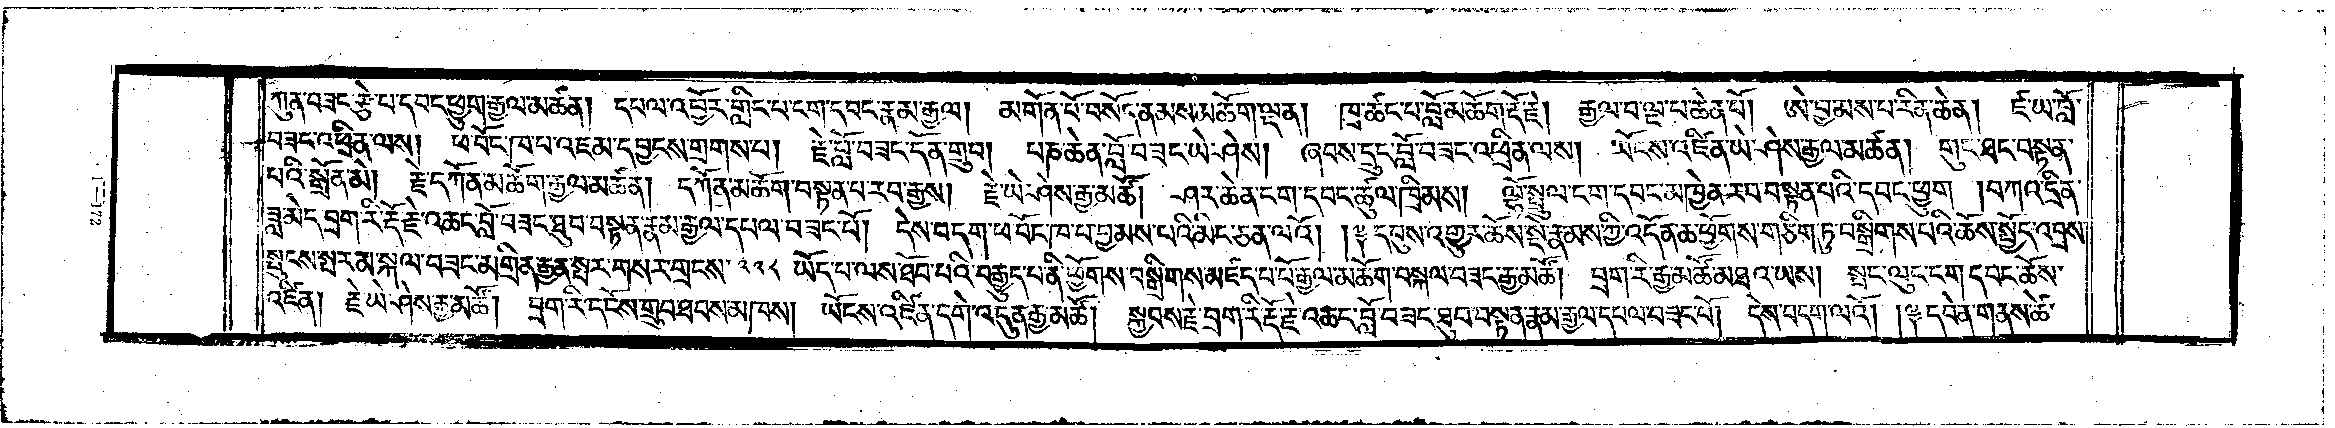ཀུན་བཟང་རྩེ་པ་དབང་ཕྱུག་རྒྱལ་མཚན། དཔལ་འབྱོར་གླིང་པ་ངག་དབང་རྣམ་རྒྱལ། མགོན་པོ་བསོད་ནམས་མཆོག་ལྡན། ཁྲ་ཚང་པ་བློ་མཆོག་རྡོ་རྗེ། རྒྱལ་བ་ལྔ་པ་ཆེན་པོ། ཨེ་བྱམས་པ་རིན་ཆེན། ཛ་ཡ་བློ་
བཟང་འཕྲིན་ལས། ཕ་བོང་ཁ་པ་འཇམ་དབྱངས་གྲགས་པ། རྗེ་བློ་བཟང་དོན་གྲུབ། པཎ་ཆེན་བློ་བཟང་ཡེ་ཤེས། ཞབས་དྲུང་བློ་བཟང་འཕྲིན་ལས། ཡོངས་འཛིན་ཡེ་ཤེས་རྒྱལ་མཚན། གུང་ཐང་བསྟན་
པའི་སྒྲོན་མེ། རྗེ་དཀོན་མཆོག་རྒྱལ་མཚན། དཀོན་མཆོག་བསྟན་པ་རབ་རྒྱས། རྗེ་ཡེ་ཤེས་རྒྱ་མཚོ། ཤར་ཆེན་ངག་དབང་ཚུལ་ཁྲིམས། ལྷོ་སྤྲུལ་ངག་དབང་མཁྱེན་རབ་བསྟན་པའི་དབང་ཕྱུག །བཀའ་དྲིན་
ཟླ་མེད་བྲག་རི་རྡོ་རྗེ་འཆང་བློ་བཟང་ཐུབ་བསྟན་རྣམ་རྒྱལ་དཔལ་བཟང་པོ། དེས་བདག་ཕ་བོང་ཁ་པ་བྱམས་པའི་མིང་ཅན་ལའོ། ། ༈ དབུས་འགྱུར་ཆོས་སྡེ་རྣམས་ཀྱི་འདོན་ཆ་ཕྱོགས་གཅིག་ཏུ་བསྒྲིགས་པའི་ཆོས་སྤྱོད་འབྲས་
སྤུངས་སྤར་མ་སྐལ་བཟང་མགྲིན་རྒྱན་སྤར་གསར་གྲངས ༢༢༨་ཡོད་པ་ལས་ཐོབ་པའི་བརྒྱུད་པ་ནི་ཕྱོགས་བསྒྲིགས་མཛད་པ་པོ་རྒྱལ་མཆོག་བསྐལ་བཟང་རྒྱ་མཚོ། བྲག་རི་རྒྱ་མཚོ་མཐའ་ཡས། སྤང་ལུང་ངག་དབང་ཆོས་
འཛིན། རྗེ་ཡེ་ཤེས་རྒྱ་མཚོ། བྲག་རི་དངོས་གྲུབ་ཐབས་མཁས། ཡོངས་འཛིན་དགེ་འདུན་རྒྱ་མཚོ། སྐྱབས་རྗེ་བྲག་རི་རྡོ་རྗེ་འཆང་བློ་བཟང་ཐུབ་བསྟན་རྣམ་རྒྱལ་དཔལ་བཟང་པོ། དེས་བདག་ལའོ། ། ༈ དབེན་གནས་ཚེ་